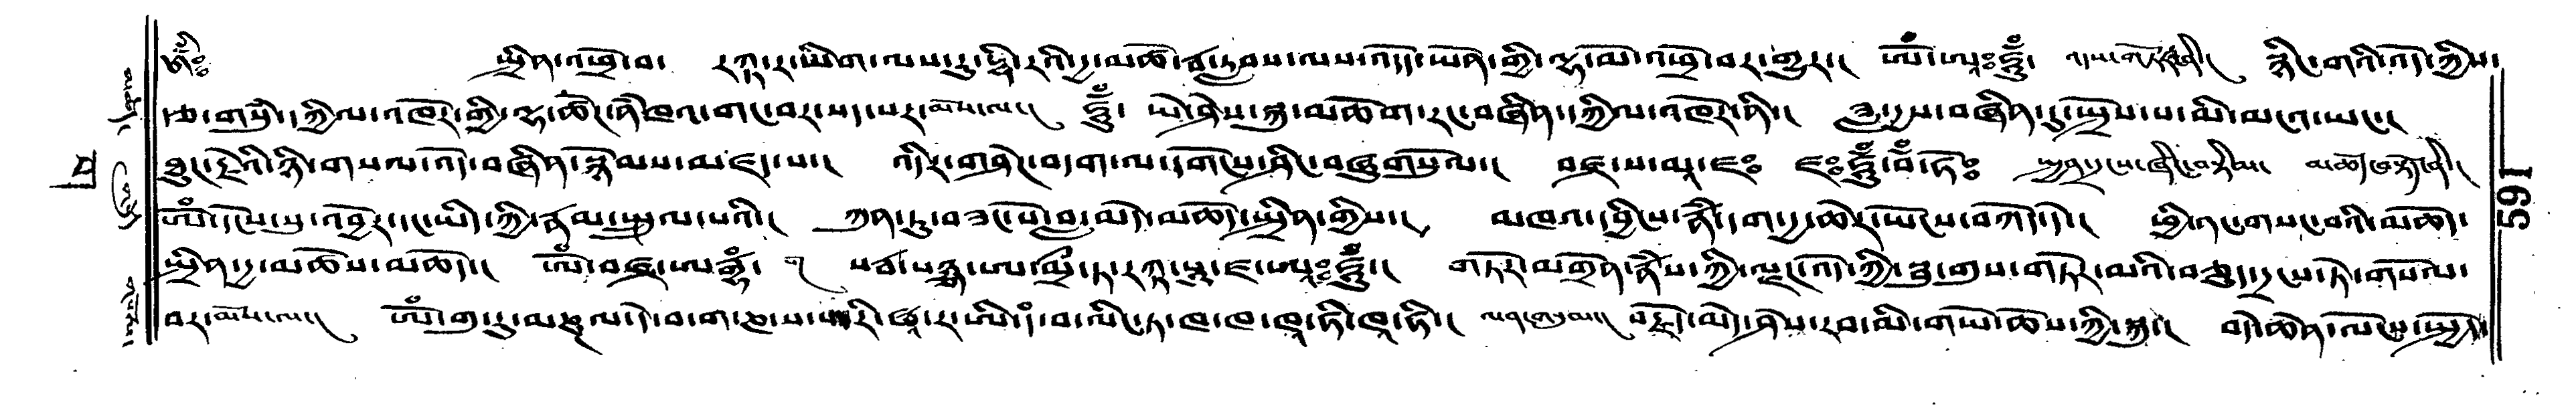སྤྲིན་འཕྲོ་བ། རཀྟ་ར་ཡིག་ལས་རུ་དྷེ་རའི་རྒྱ་མཚོ་རྦ་རླབས་ལས་འདོད་ཡོན་གྱི་ལྷ་མོ་འཕྲོ་བར་གྱུར། ཨོཾ་ཨཱཿཧཱུྃ། འདས་གཏོར་ནི། སྙིང་གའི་འོད་ཀྱིས་
རྩ་གསུམ་དཀྱིལ་འཁོར་གྱི་ལྷ་ཚོགས་ནི་ནམ་མཁའ་གང་བར་སད་པར་མོས་ལ། ཧཱུྃ། ཡེ་ཤེས་སྐུ་མཆོག་རང་བཞིན་དཀྱིལ་འཁོར་ནི། །ཟླ་རྒྱས་བཞིན་དུ་སྤྲོས་པ་མི་མངའ་ཡང་། །
ཐུགས་རྗེའི་ཉི་གསལ་འོད་བཞིན་སྙོམས་མཛད་པ།འདིར་གཤེགས་བདག་ལ་དགོངས་ཤིང་བཞུགས་སུ་གསོལ། བཛྲ་ས་མཱ་ཛཿ ཛཿཧཱུྃ་བྃ་ཧོཿ ས་སྤྱན་དྲངས་ཞིང་བསྟིམ། མཆོད་བསྟོད་ནི། 
ཨོཾ་དངོས་སུ་འབྱོར་དང་ཡིད་ཀྱི་རྣམ་སྤྲུལ་པའི། །ཀུན་ཏུ་བཟང་པོ་བླ་མེད་མཆོད་སྤྲིན་གྱིས། །མཁའ་དབྱིངས་རྣམ་དག་རྒྱ་ཆེར་ཡོངས་བཀོད་དེ། །ཕྱི་ནང་གསང་བའི་མཆོད་
སྤྲིན་རྒྱ་མཚོས་མཆོད། །ཨོཾ་བཛྲ་ཨརྒྷཾ༴ སོགས། སརྦ་པཉྩ་ཨ་མྲྀ་ཏ་རཀྟ་པཱུ་ཛ་ཨཱཿཧཱུྃ། གཏོར་མགྲོན་རྣམས་ཀྱི་ལྗགས་འོད་ཀྱི་སྦུ་གུས་གཏོར་མའི་བཅུད་དྲངས་ཏེ་གསོལ་
བར་མོས་ལ། ཨོཾ་གུ་རུ་མཎྜལ་དེ་བག་ཎ་ས་པ་རི་ཝཱ་ར་ཨི་དཾ་བ་ལིང་ཏ་ཁ་ཁ་ཁཱ་ཧི་ཁཱ་ཧི། ལན་གསུམ། བརྗོད་མེད་ཤེས་རབ་མི་གཡོ་ཆོས་ཀྱི་སྐུ། །བདེ་ཆེན་ལོངས་སྤྱོད་༼